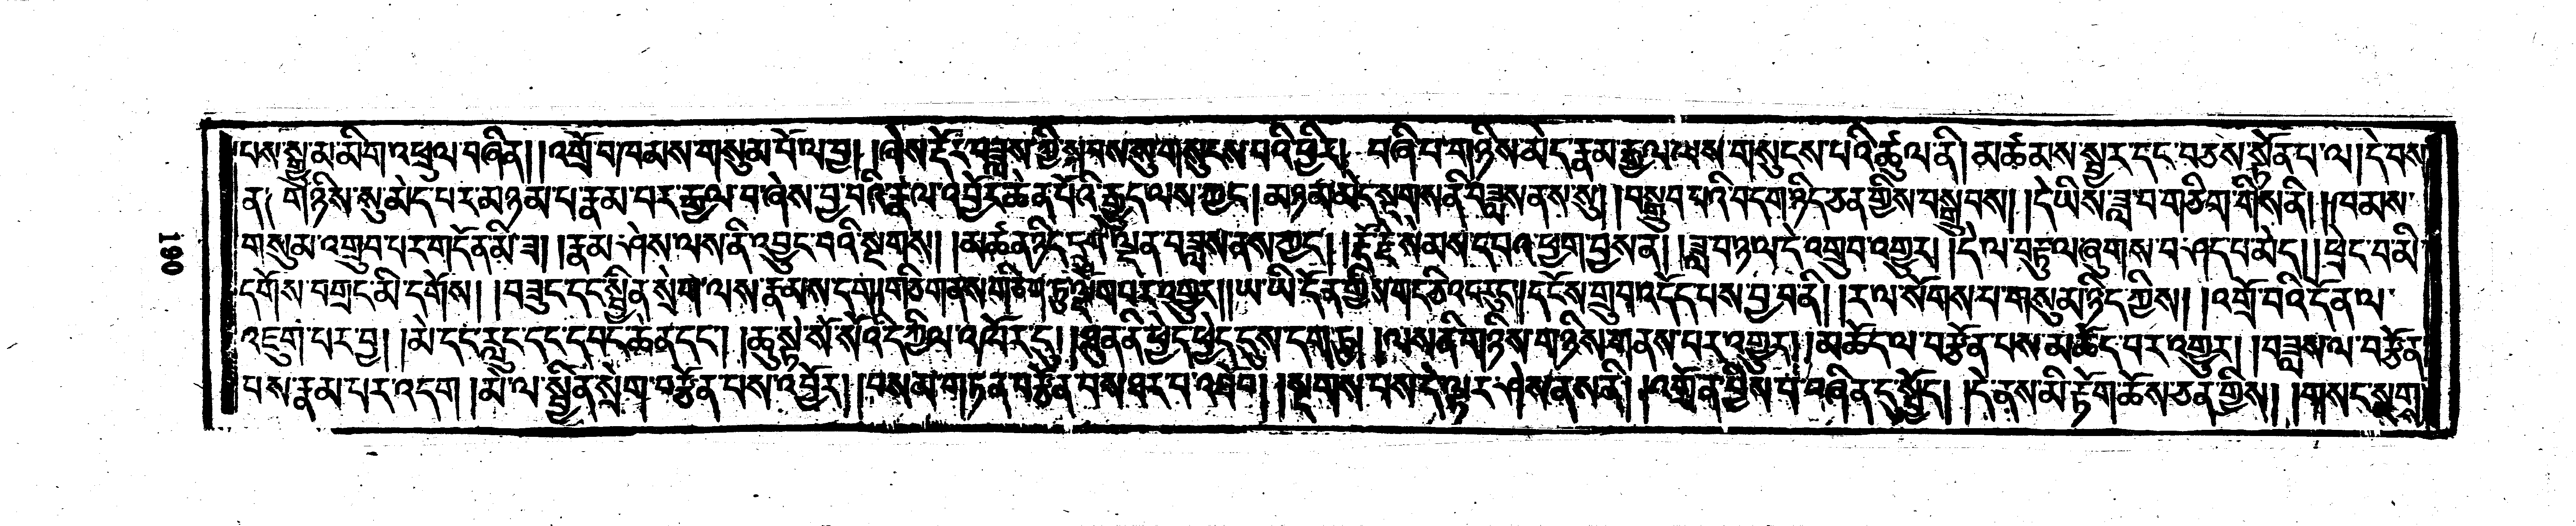པས་སྒྱུ་མ་མིག་འཕྲུལ་བཞིན། །འགྲོ་བ་ཁམས་གསུམ་པོ་ལ་བྱ། །ཞེས་རྡོར་བཟླས་ཀྱི་སྐབས་སུ་གསུངས་པའི་ཕྱིར། བཞི་པ་གཉིས་མེད་རྣམ་རྒྱལ་ལས་གསུངས་པའི་ཚུལ་ནི། མཚམས་སྦྱར་དང་བཅས་སྟོན་པ་ལ། དེ་བས་
ན། གཉིས་སུ་མེད་པར་མཉམ་པ་རྣམ་པར་རྒྱལ་བ་ཞེས་བྱ་བའི་རྣལ་འབྱོར་ཆེན་པོའི་རྒྱུད་ལས་ཀྱང་། མཉམ་མེད་སྔགས་ནི་བཟླས་ནས་སུ། །བསྒྲུབ་པའི་བདག་ཉིད་ཅན་གྱིས་བསྒྲུབས། །དེ་ཡིས་ཟླ་བ་གཅིག་གིས་ནི། །ཁམས་
གསུམ་འགྲུབ་པར་གདོན་མི་ཟ། །རྣམ་ཤེས་ལས་ནི་འབྱུང་བའི་སྔགས། །མཚན་ཉིད་དྲུག་ལྡན་བཟླས་ནས་ཀྱང་། །རྡོ་རྗེ་སེམས་དཔའ་ཕྱག་བྱས་ན། །ཟླ་བ་ཉ་ལ་དེ་འགྲུབ་འགྱུར། །དེ་ལ་བརྟུལ་ཞུགས་བཤད་པ་མེད། །ཕྲེང་བ་མི་
དགོས་བགྲང་མི་དགོས། །བཟུང་དང་སྦྱིན་སྲེག་ལས་རྣམས་དག །གཅིག་ནས་གཅིག་ཏུ་ལྡོག་པར་འགྱུར། །ཡ་ཡི་དོན་གྱིས་གང་ཅིའང་རུང་། །དངོས་གྲུབ་འདོད་པས་བྱ་བ་ནི། །ར་ལ་སོགས་པ་གསུམ་ཉིད་ཀྱིས། །འགྲོ་བའི་དོན་ལ་
འཇུག་པར་བྱ། །མེ་དང་རླུང་དང་དབང་ཆེན་དང་། །ཆུ་སྟེ་སོ་སོའི་དཀྱིལ་འཁོར་དུ། །ཐུན་ནི་ཕྱེད་ཕྱེད་དུས་དག་ཏུ། །ལས་ནི་གཉིས་གཉིས་གནས་པར་འགྱུར། །མཆོད་ལ་བརྩོན་པས་མཆོད་པར་འགྱུར། །བཟླས་ལ་བརྩོན་
པས་རྣམ་པར་འདག །མེ་ལ་སྦྱིན་སྲེག་བརྩོན་པས་འབྱོར། །བསམ་གཏན་བརྩོན་པས་ཐར་པ་འཐོབ། །སྔགས་པས་དེ་ལྟར་ཤེས་ནས་ནི། །འགྲོ་ན་བྱིས་པ་བཞིན་དུ་སྤྱོད། །དེ་ནས་མི་རྟོག་ཆོས་ཅན་གྱིས། །གསང་སྔགས་